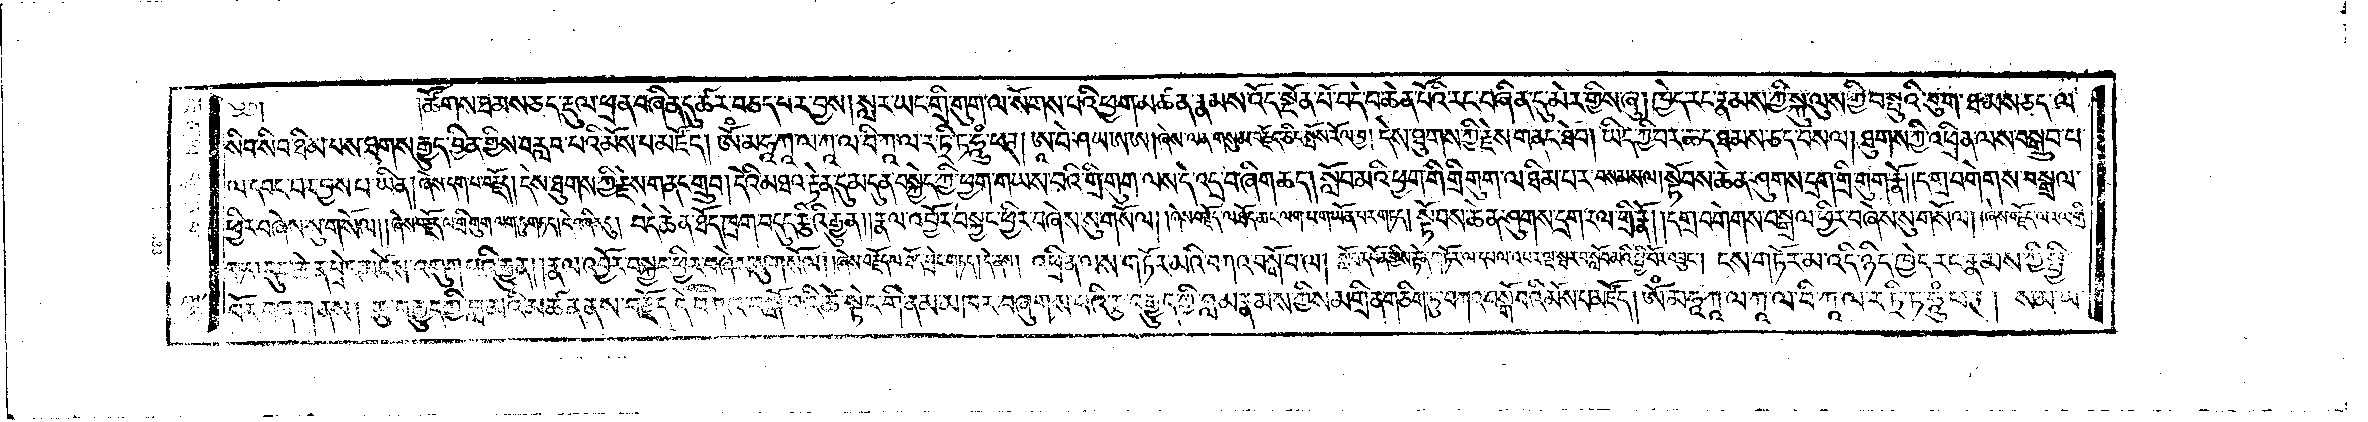༄༅། །ཚོགས་ཐམས་ཅད་རྡུལ་ཕྲན་བཞིན་དུ་ཚར་བཅད་པར་བྱས། སླར་ཡང་གྲི་གུག་ལ་སོགས་པའི་ཕྱག་མཚན་རྣམས་འོད་སྔོན་པོ་བདེ་བ་ཆེན་པོའི་རང་བཞིན་དུ་མེར་གྱིས་ཞུ། ཁྱེད་རང་རྣམས་ཀྱི་སྐུ་ལུས་ཀྱི་བ་སྤུའི་བུ་ག་ཐམས་ཅད་ལ་
སིབ་སིབ་ཐིམ་པས་ཐུགས་རྒྱུད་བྱིན་གྱིས་བརླབ་པའི་མོས་པ་མཛོད། ཨོཾ་མཧཱ་ཀཱ་ལ་ཀཱ་ལ་བི་ཀཱ་ལ་ར་ཏྲི་ཏ་ཧཱུཾ་ཕཊ། ཨཱ་པེ་ཤ་ཡ་ཨ་ཨ། ཞེས་ལན་གསུམ་བརྗོད་ཅིང་སྤོས་རོལ་བྱ།  དེས་ཐུགས་ཀྱི་རྗེས་གནང་ཐོབ། ཡིད་ཀྱི་བར་ཆད་ཐམས་ཅད་བསལ། ཐུགས་ཀྱི་འཕྲིན་ལས་བསྒྲུབ་པ་
ལ་དབང་པར་བྱས་པ་ཡིན། ཞེས་དག་པ་བརྗོད།  དེས་ཐུགས་ཀྱི་རྗེས་གནང་གྲུབ། དེའི་མཐའ་རྟེན་དུ་མདུན་བསྐྱེད་ཀྱི་ཕྱག་གཡས་པའི་གྲི་གུག་ལས་དེ་འདྲ་བ་ཞིག་ཆད། སློབ་མའི་ཕྱག་གི་གྲི་གུག་ལ་ཐིམ་པར་བསམས་ལ།  སྟོབས་ཆེན་ཤུགས་དྲག་གྲི་གུག་རྣོ། །དགྲ་བགེགས་བསྒྲལ་
ཕྱིར་བཞེས་སུ་གསོལ། །ཞེས་བརྗོད་ལ་གྲི་གུག་ལག་ཏུ་གཏད། དེ་བཞིན་དུ།  བདེ་ཆེན་ཐོད་ཁྲག་བདུད་རྩིའི་རྒྱུན། །རྣལ་འབྱོར་བསྐྱང་ཕྱིར་བཞེས་སུ་གསོལ། །ཞེས་བརྗོད་ལ་ཐོད་ཆང་ལག་པ་གཡོན་པར་གཏད།  སྟོབས་ཆེན་ཤུགས་དྲག་རལ་གྲི་རྣོ། །དགྲ་བགེགས་བསྒྲལ་ཕྱིར་བཞེས་སུ་གསོལ། །ཞེས་བརྗོད་ལ་རལ་གྲི་
གཏད། དུང་ཆེན་ཕྲེང་མཛེས་འགུག་པའི་རྒྱུན། །རྣལ་འབྱོར་བསྐྱང་ཕྱིར་བཞེས་སུ་གསོལ། །ཞེས་བརྗོད་ལ་ཐོད་ཕྲེང་གཏད། དེ་ནས།  འཕྲིན་ལས་གཏོར་མའི་བཀའ་བསྒོ་བ་ལ། སློབ་དཔོན་གྱིས་རྟེན་གཏོར་ལ་དཔལ་འབར་ལྔ་སྤར་བ་སློབ་མའི་སྤྱི་བོར་བཟུང་།  ངས་གཏོར་མ་འདི་ཉིད་ཁྱེད་རང་རྣམས་ཀྱི་སྤྱི་
བོར་བཞག་ནས། རྩ་བརྒྱུད་ཀྱི་བླ་མའི་མཚན་ནས་བརྗོད་དེ་བཀའ་བསྒོ་བའི་ཚེ་སྟེང་གི་ནམ་མཁར་བཞུགས་པའི་རྩ་བརྒྱུད་ཀྱི་བླ་མ་རྣམས་ཀྱིས་མགྲིན་གཅིག་ཏུ་བཀའ་བསྒོ་བའི་མོས་པ་མཛོད། ཨོཾ་མཧཱ་ཀཱ་ལ་ཀཱ་ལ་བི་ཀཱ་ལ་ར་ཏྲི་ཏ་ཧཱུཾ་ཕཊ། སམ་ཡ་